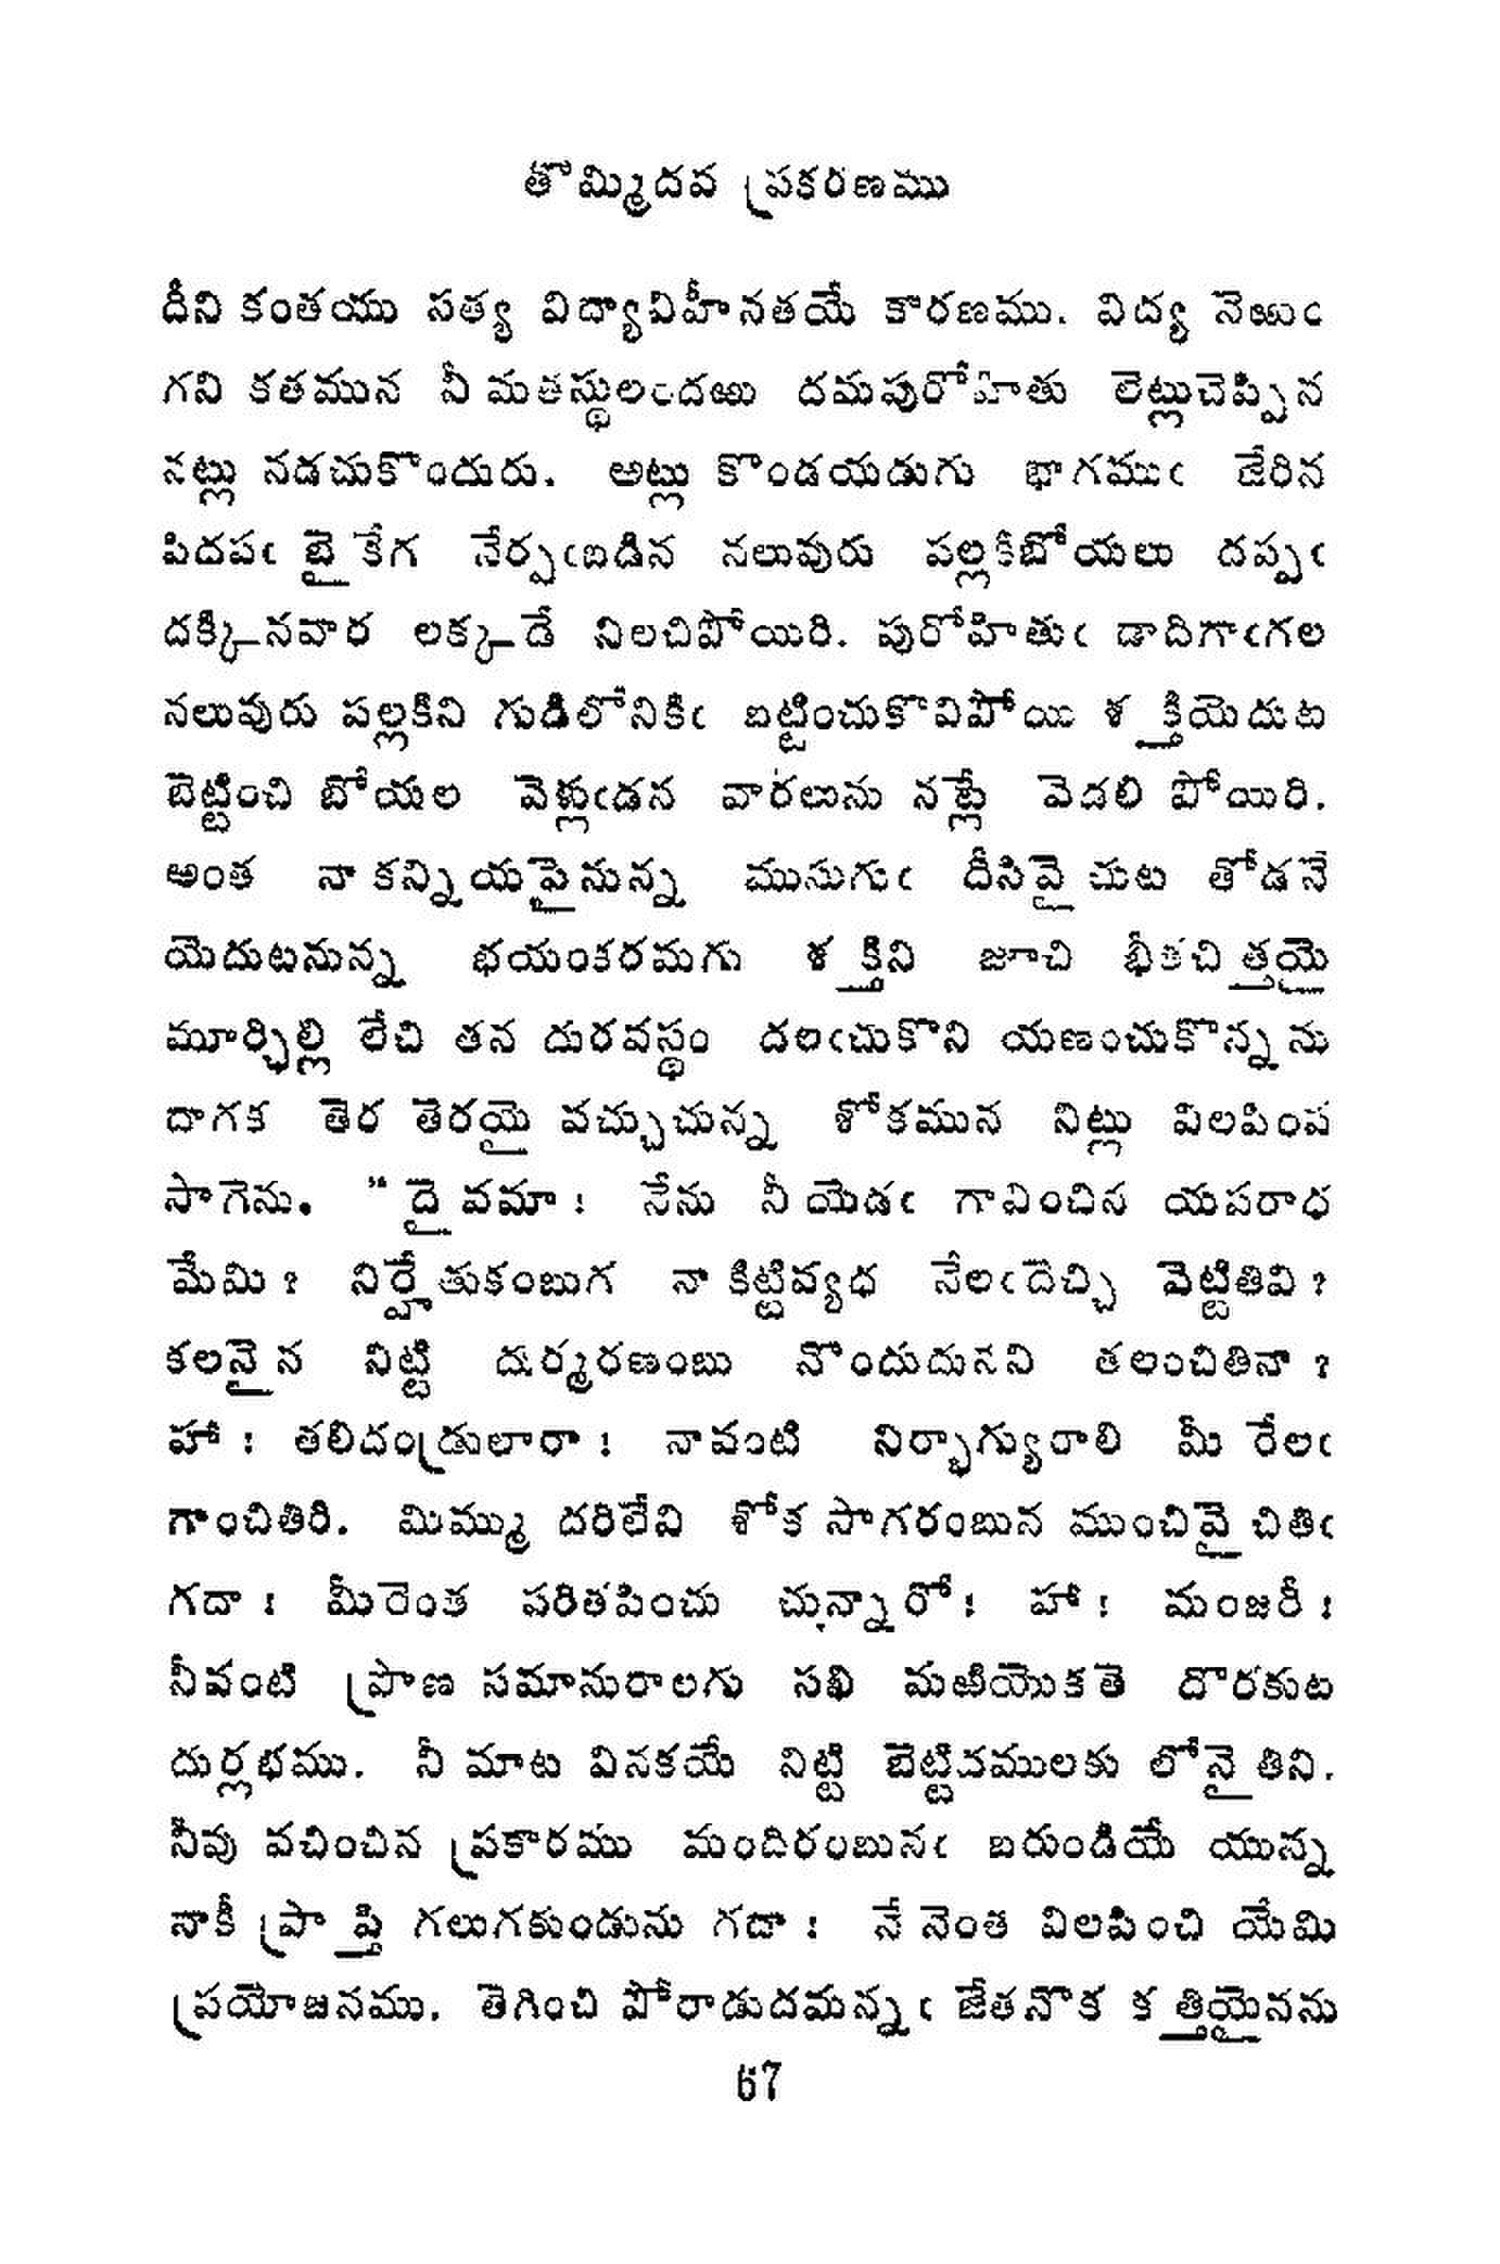దీని కంతయు సత్య విద్యావిహీనతయే కారణము. విద్య నెఱుఁగని కతమున నీ మతస్థులందఱు దమపురోహితు లెట్లుచెప్పిన నట్లు నడచుకొందురు. అట్లు కొండయడుగు భాగముఁ జేరిన పిదపఁ బై కేగ నేర్పఁబడిన నలువురు పల్లకీబోయలు దప్పఁ దక్కినవార లక్కడే నిలచిపోయిరి. పురోహితుఁ డాదిగాఁగల నలువురు పల్లకిని గుడిలోనికిఁ బట్టించుకొనిపోయి శక్తియెదుట బెట్టించి బోయల వెళ్లుఁడన వారలును నట్లే వెడలి పోయిరి. అంత నా కన్నియపైనున్న ముసుగుఁ దీసివైచుట తోడనే యెదుటనున్న భయంకరమగు శక్తిని జూచి భీతచిత్తయై మూర్చిల్లి లేచి తన దురవస్థం దలఁచుకొని యణంచుకొన్నను దాగక తెర తెరయై వచ్చుచున్న శోకమున నిట్లు విలపింప సాగెను. " దైవమా ! నేను నీ యెడఁ గావించిన యపరాధ మేమీ ! నిర్హేతుకంబుగ నా కిట్టివ్యధ నేలఁ దెచ్చి పెట్టితివి? కలనైన నిట్టి దుర్మరణంబు నొందుదునని తలంచితినా? హా! తల్లిదండ్రులారా ! నావంటి నిర్భాగ్యురాలి మీ రేలఁ గాంచితిరి. మిమ్ము దరిలేని శోక సాగరంబున ముంచివైచితిఁ గదా ! మీరెంత పరితపించు చున్నారో ! హా ! మంజరీ !నీవంటి ప్రాణ సమానురాలగు సఖి మఱియొకతె దొరకుట దుర్లభము. నీ మాట వినకయే నిట్టి బెట్టిదములకు లోనైతిని. నీవు వచించిన ప్రకారము మందిరంబునఁ బరుండియే యున్న నాకీ ప్రాప్తి గలుగకుండును గదా : నే నెంత విలపించి యేమి ప్రయోజనము. తెగించి పోరాడుదమన్నఁ జేత నొక కత్తియైనను